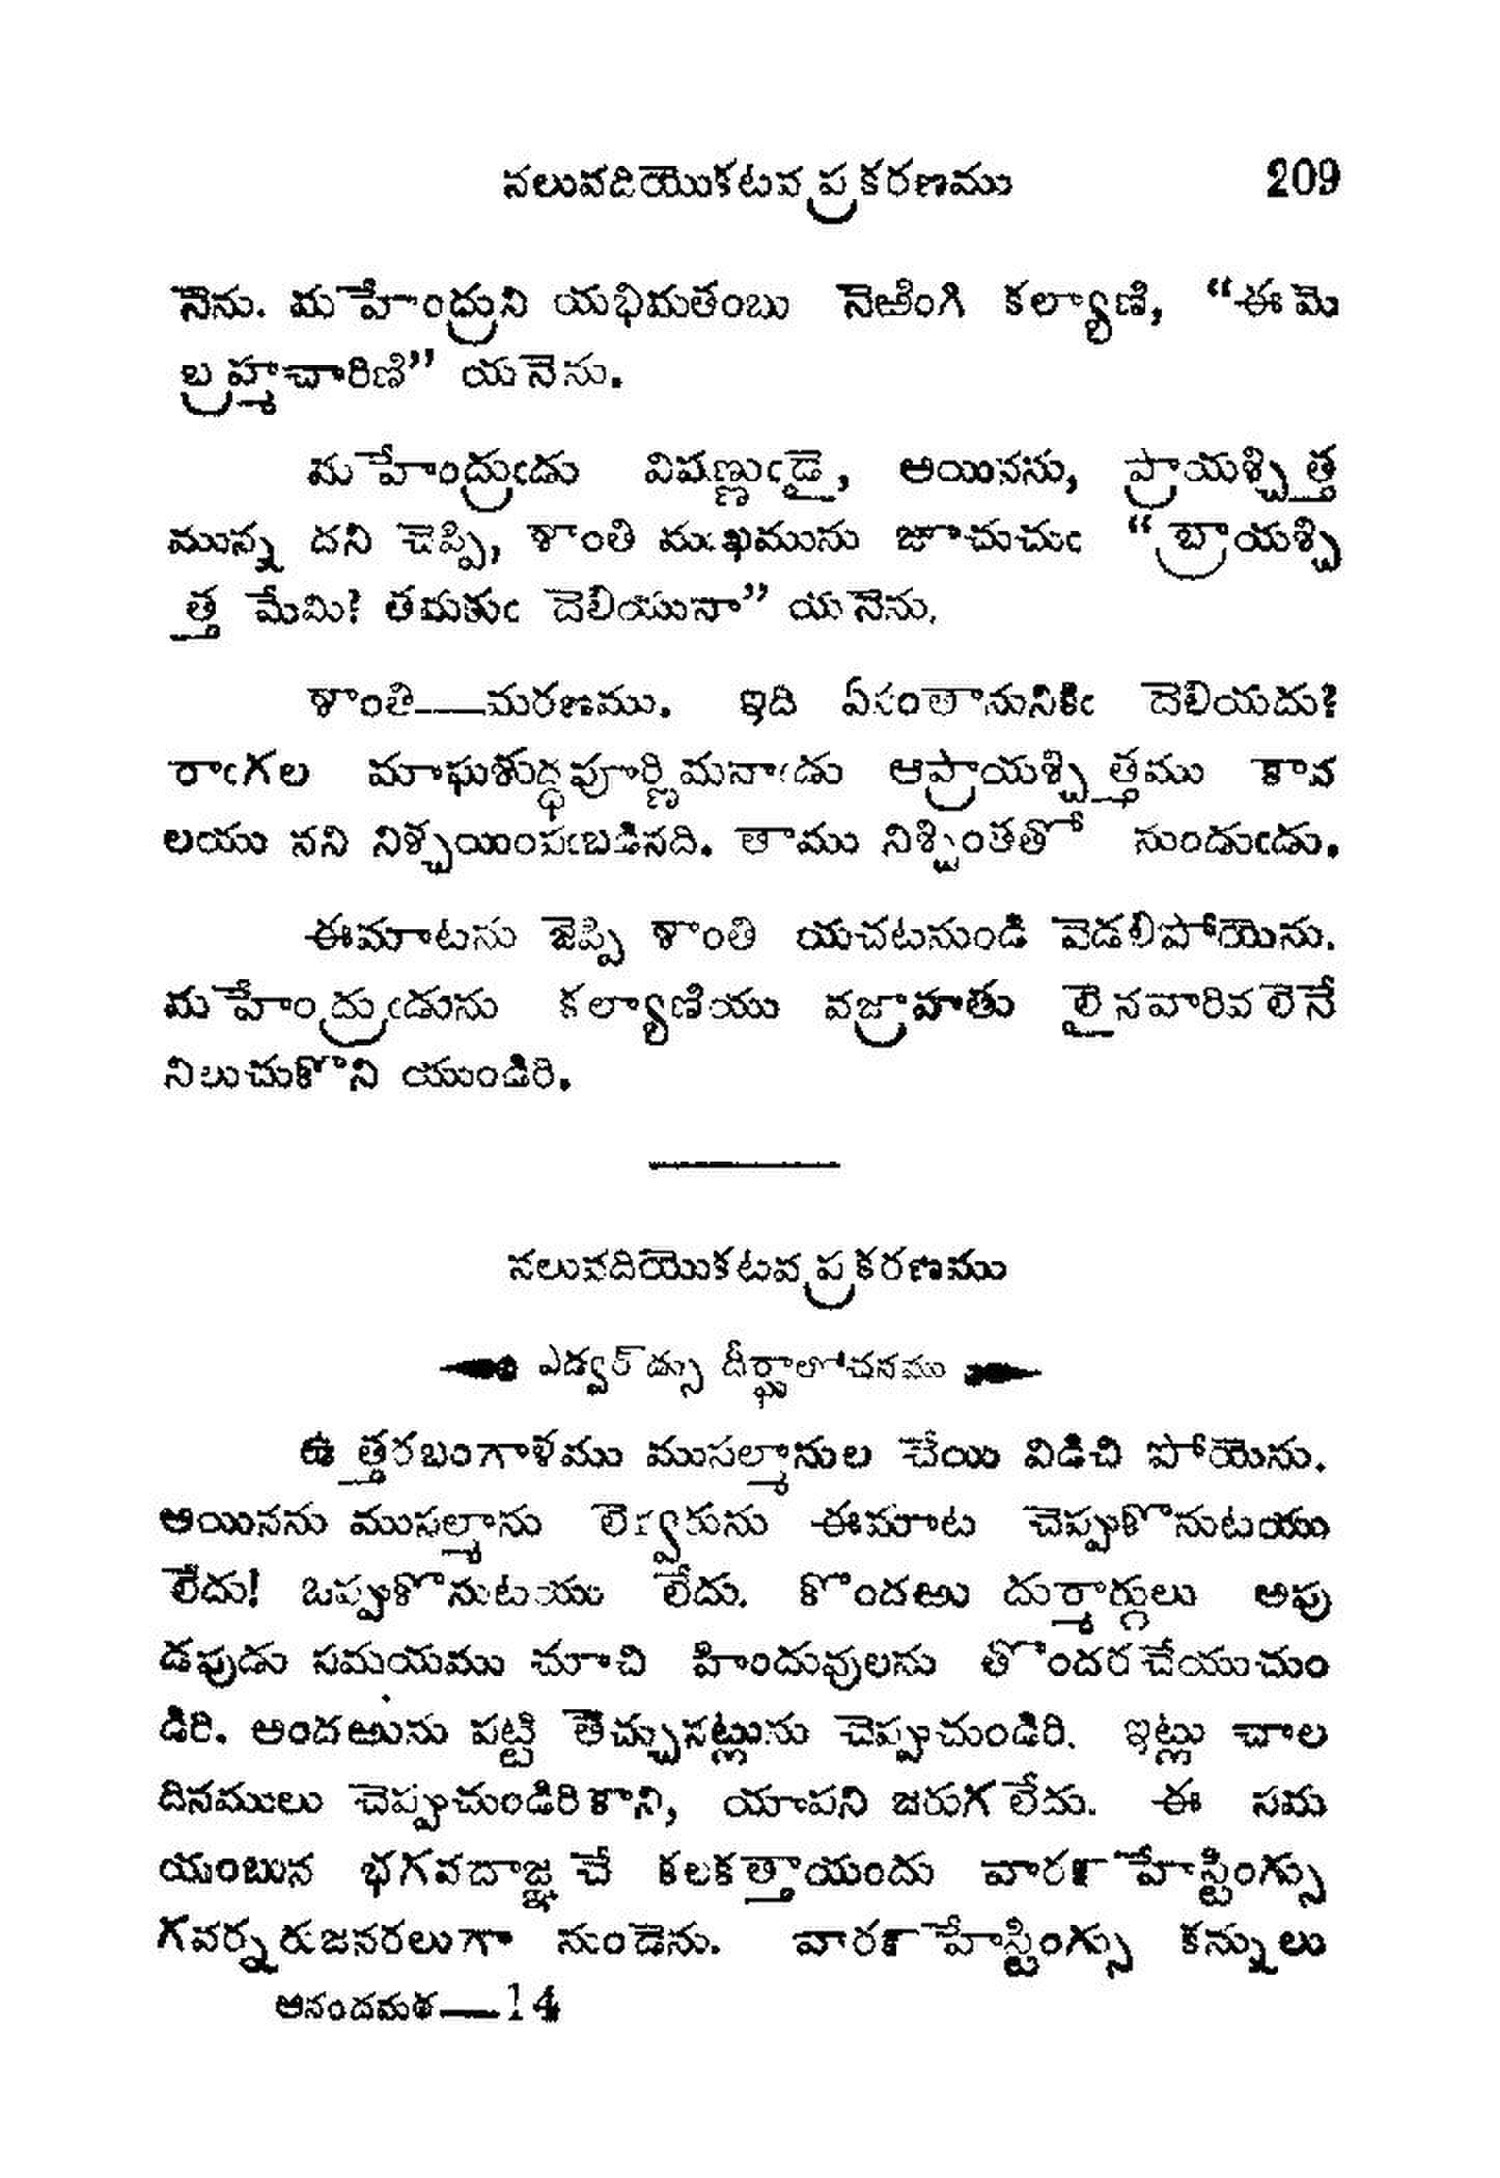నెను. మహేంద్రుని యభిమతంబు నెఱింగి కల్యాణి, “ఈమె బ్రహ్మచారిణి” యనెను.

మహేంద్రుఁడు విషణ్ణుఁడై, అయినను, ప్రాయశ్చిత్త మున్న దని చెప్పి, శాంతి ముఖమును జూచుచుఁ "బ్రాయశ్చిత్త మేమి? తమకుఁ దెలియునా” యనెను.

శాంతి——మరణము, ఇది ఏసంతానునికిఁ దెలియదు? రాఁగల మాఘశుద్ధ పూర్ణిమ నాఁడు ఆప్రాయశ్చిత్తము కావలయు నని నిశ్చయింపఁబడినది. తాము నిశ్చింతతో నుండుఁడు.

ఈమాటను జెప్పి శాంతి యచటనుండి వెడలిపోయెను. మహేంద్రుడును కల్యాణియు వజ్రాహతు లైన వారివలెనే
నిలుచుకొని యుండిరి.

నలువదియొకటవ ప్రకరణము

వ ప్రకరణము
ఎడ్వర్ డ్సు దీర్ఘాలోచనము

ఉత్తరబంగాళము ముసల్మానుల చేయి విడిచి పోయెను. అయినను ముసల్తాను లెవ్వరును ఈమాట చెప్పుకొనుటయు
లేదు! ఒప్పుకొనుటయు లేదు. కొందఱు దుర్మార్గులు అపుడపుడు సమయము చూచి హిందువులను తొందర చేయుచుండిరి. అందఱును పట్టి తెచ్చునట్లును చెప్పుచుండిరి, ఇట్లు చాల దినములు చెప్పుచుండిరి కాని, యాపని జరుగలేదు. ఈ సమయంబున భగవదాజ్ఞచే కలకత్తాయందు వార౯ హేస్టింగ్సు గవర్నరుజనరలుగా నుండెను. వార౯ హేస్టింగ్సు కన్నులు